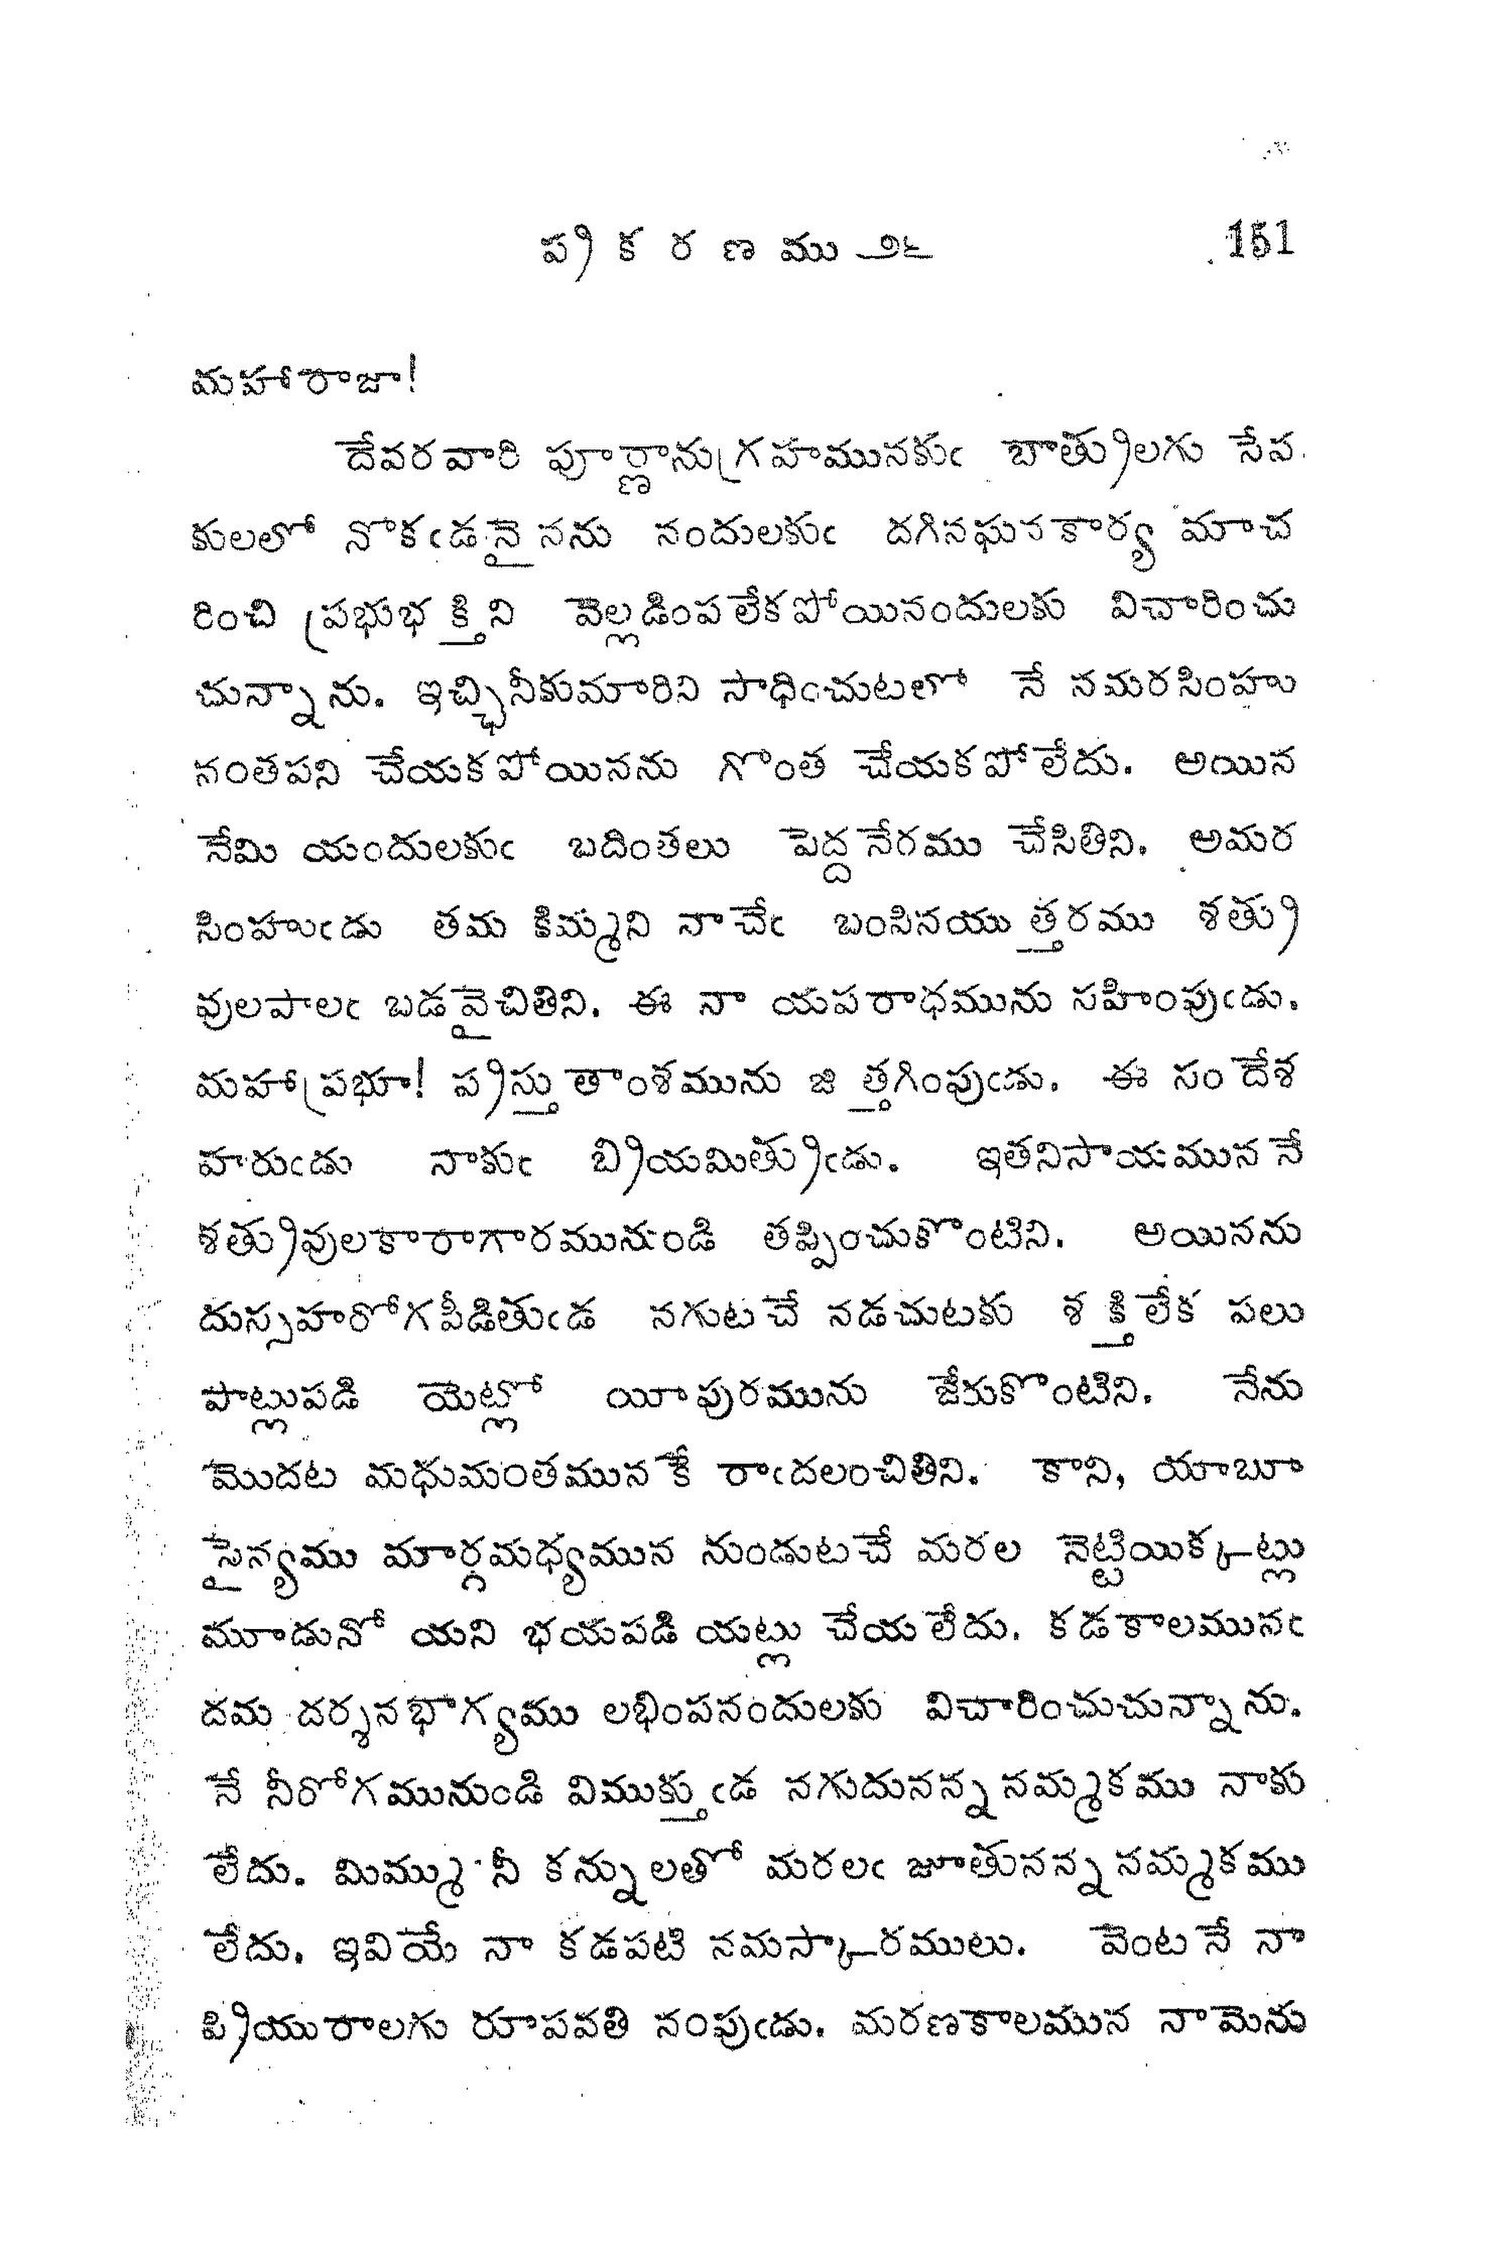మహారాజా!
దేవర వారి పూర్ణానుగ్రహమునకుఁ బాత్రులగు సేవ
కులలో నోక్కడ నై నను నందులకుఁ దగినఘన కార్య మాచ
రించి ప్రభుభక్తిని వెల్లడింప లేకపోయినందులకు విచారించు
చున్నాను. ఇచ్ఛినీకుమారిని సాధించుటలో నే నమర సింహు
నంతపని చేయకపోయినను గొంత చేయకపోలేదు. అయిన
నేమి యందులకుఁ బదింతలు పెద్ద నేరము చేసితిని. అమర
సింహుఁడు తమ కిమ్మని నా చేఁ బంపిన యుత్తరము శత్రు
వులపాలఁ బడ వైచితిని. ఈ నా యపరాధమును సహింపుఁడు,
మహాప్రభూ! ప్రస్తు తాంశమును జిత్తగింపుఁడు. ఈ సం దేశ
హరుడు నాకుఁ బియమిత్రుడు. ఇతనిసాయమున నే
శత్రువుల కారాగారమునుండి తప్పించుకొంటిని.
దుస్సహ రోగ పీడితుఁడ నగుట చే నడచుటకు శక్తి లేక పలు
పొట్లుపడి యేట్లో నాపురమును జేరుకొంటిని, నేను
'మొదట మధుమంతమున కే రాఁదలంచితిని. కానీ, యాబూ
సైన్యము మార్గమధ్యమున నుండుటచే మరల నెట్టియిక్కట్లు
మూడునో యని భయపడి యట్లు
చేయ లేదు, కడకాలమునం
దమ దర్శన భాగ్యము లభింపనందులకు విచారించుచున్నాను.
నే నీరోగమునుండి విముక్తుఁడ నగుదునన్న నమ్మకము నాకు
లేదు. మిమ్ము నీ కన్ను లతో మరలఁ జూతునన్న నమ్మకము
లేదు. ఇవియే నా కడపటి నమస్కారములు. వెంట నే నా
ప్రియురాలగు రూపవతి నంపుఁడు. మరణకాలమున నామెను
అయినను